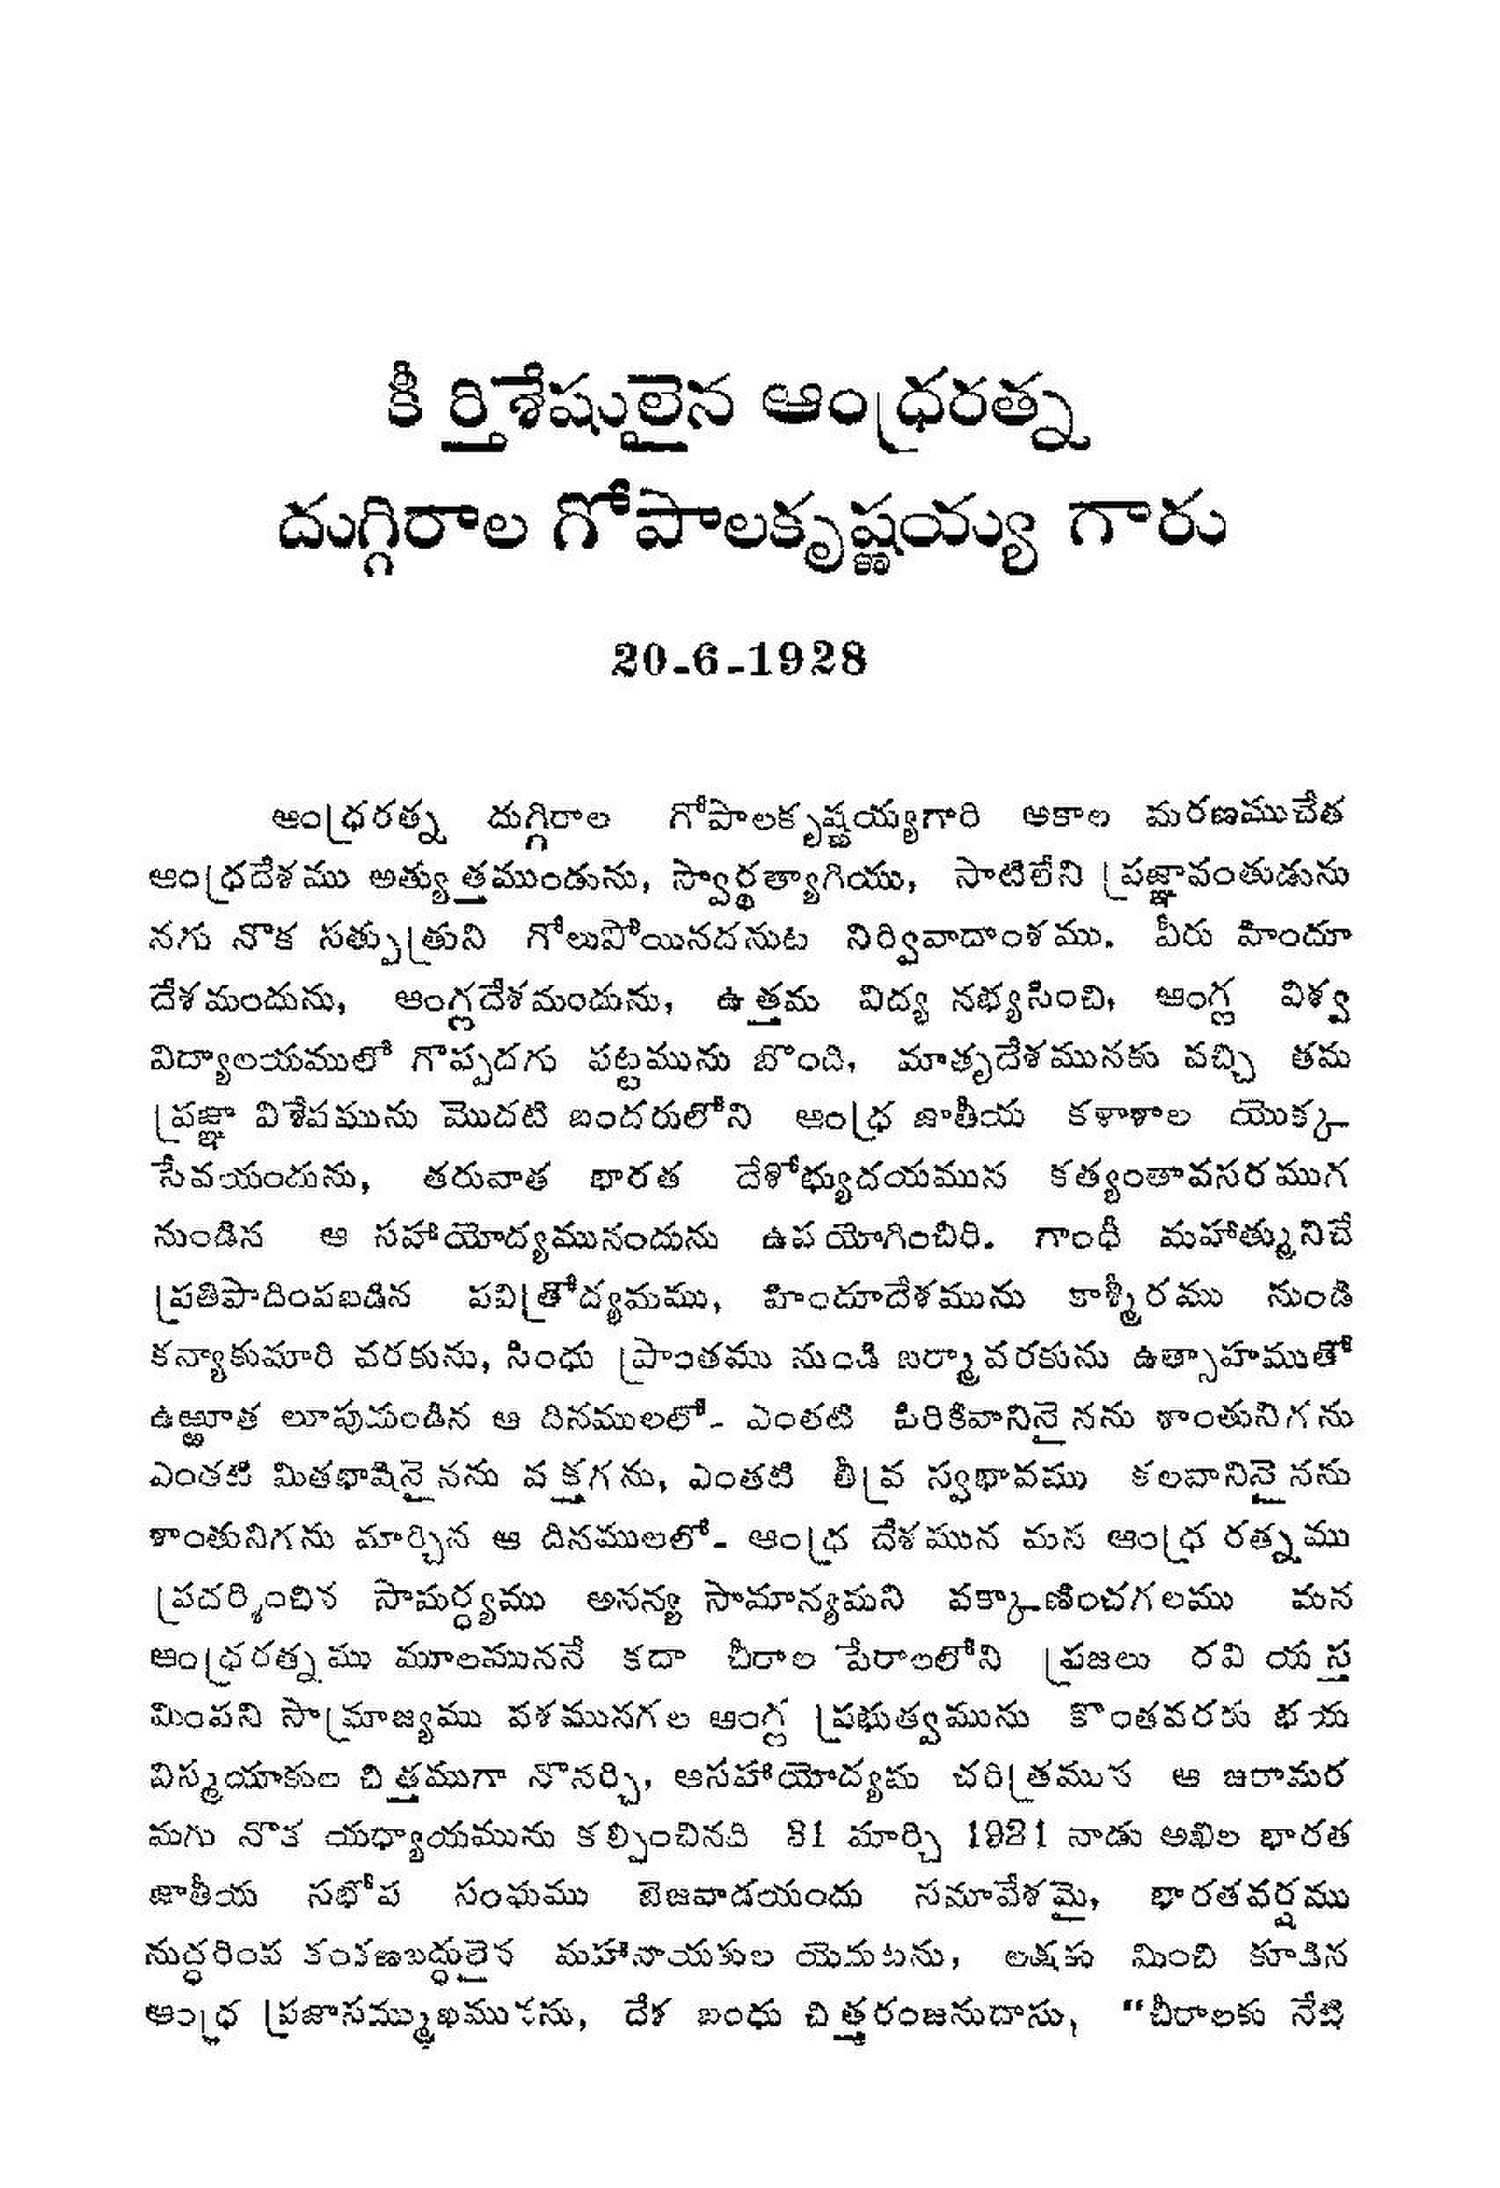కీర్తిశేషులైన ఆంధ్రరత్న దుగ్గిరాల గోపాలకృష్ణయ్య గారు

20 - 6 - 1928

ఆంధ్రరత్న దుగ్గిరాల గోపాలకృష్ణయ్యగారి అకాల మరణముచేత ఆంధ్రదేశము అత్యుత్తముండును, స్వార్థత్యాగియు, సాటిలేని ప్రజ్ఞావంతుడును నగు నొక సత్పుత్రుని గోలుపోయినదనుట నిర్వివాదాంశము. వీరు హిందూ దేశమందును, ఆంగ్లదేశమందును, ఉత్తమ విద్య నభ్యసించి, ఆంగ్ల విశ్వవిద్యాలయములో గొప్పదగు పట్టమును బొంది, మాతృదేశమునకు వచ్చి తమ ప్రజ్ఞా విశేషమును మొదటి బందరులోని ఆంధ్ర జాతీయ కళాశాల యొక్క
సేవయందును, తరువాత భారత దేశోభ్యుదయమున కత్యంతావసరముగ నుండిన ఆ సహాయోద్యమునందును ఉపయోగించిరి. గాంధీ మహాత్మునిచే ప్రతిపాదింపబడిన పవిత్రోద్యమము, హిందూదేశమును కాశ్మీరము నుండి
కన్యాకుమారి వరకును, సింధు ప్రాంతము నుండి బర్మా వరకును ఉత్సాహముతో ఉఱ్ఱూత లూపుచుండిన ఆ దినములలో - ఎంతటి పిరికివానినైనను శాంతునిగను ఎంతటి మితభాషినైనను వక్తగను, ఎంతటి తీవ్ర స్వభావము కలవానినైనను శాంతునిగను మార్చిన ఆ దినములలో- ఆంధ్ర దేశమున మన ఆంధ్ర రత్నము ప్రదర్శించిన సామర్ధ్యము అనన్య సామాన్యమని వక్కాణించగలము మన ఆంధ్రరత్నము మూలముననే కదా చీరాల పేరాలలోని ప్రజలు రవి యస్తమింపని సామ్రాజ్యము వశమునగల ఆంగ్ల ప్రభుత్వమును కొంతవరకు భయ విస్మయాకుల చిత్తముగా నొనర్చి, అసహాయోద్యమ చరిత్రమున ఆ జరామరమగు నొక యధ్యాయమును కల్పించినది 31 మార్చి 1921 నాడు అఖిల భారత జాతీయ సభోప సంఘము బెజవాడయందు సమావేశమై, భారతవర్షము నుద్ధరింప కంకణబద్ధులైన మహానాయకుల యెదుటను, లక్షకు మించి కూడిన ఆంధ్ర ప్రజాసమ్ముఖమునను, దేశ బంధు చిత్తరంజనుదాసు, "చీరాలకు నేటి